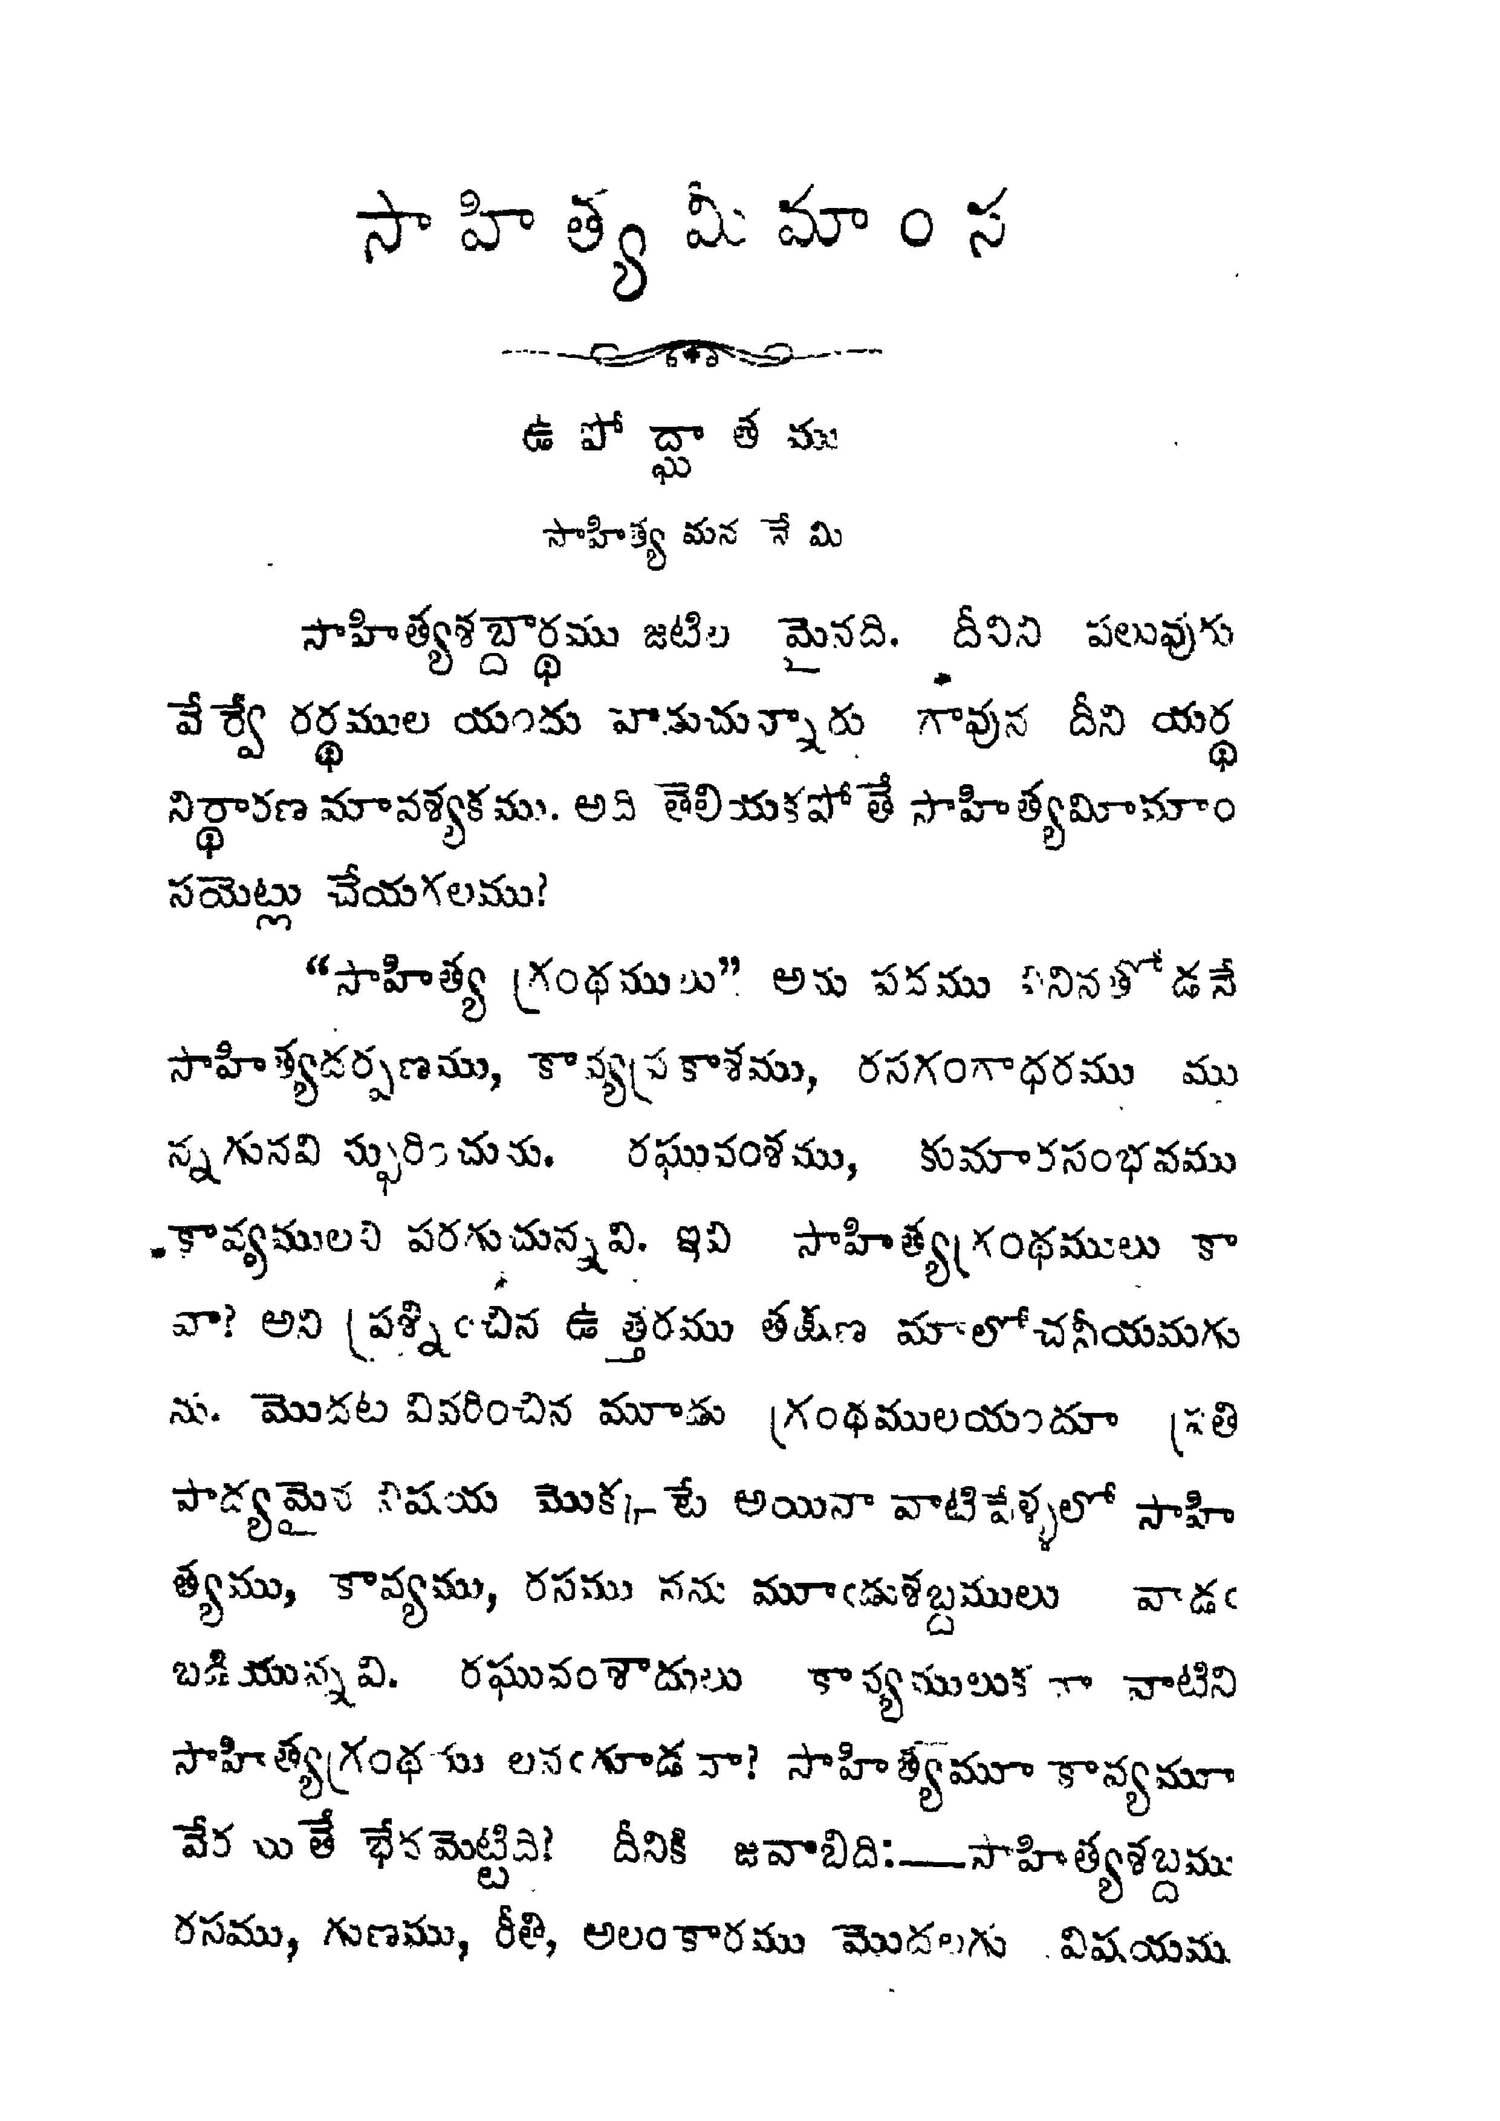సాహిత్యశబ్దార్థము జటిల మైనది. దీనిని పలువురు వేర్వే రర్థముల యందు వాడుచున్నారు గావున దీని యర్థ నిర్థారణ మావశ్యకము. అది తెలియకపోతే సాహిత్యమీమాంసయెట్లు చేయగలము?

"సాహిత్య గ్రంథములు" అను పదము వినినతోడనే సాహిత్యదర్పణము, కావ్యప్రకాశము, రసగంగాధరము మున్నగునవి స్ఫురించును. రఘువంశము, కుమారసంభవము కావ్యములని పరగుచున్నవి. ఇవి సాహిత్యగ్రంథములు కావా? అని ప్రశ్నించిన ఉత్తరము తక్షణ మాలోచనీయమగును. మొదట వివరించిన మూడు గ్రంథములయందూ ప్రతి పాద్యమైన విషయ మొక్కటే అయినా వాటిపేళ్ళలో సాహిత్యము, కావ్యము, రసము నను మూఁడుశబ్దములు వాడఁబడియున్నవి. రఘువంశాదులు కావ్యములుకదా వాటిని సాహిత్యగ్రంథము లనఁగూడదా? సాహిత్యమూ కావ్యమూ వేరయితే భేదమెట్టిది? దీనికి జవాబిది: - సాహిత్యశబ్దము రసము, గుణము, రీతి, అలంకారము మొదలగు విషయము